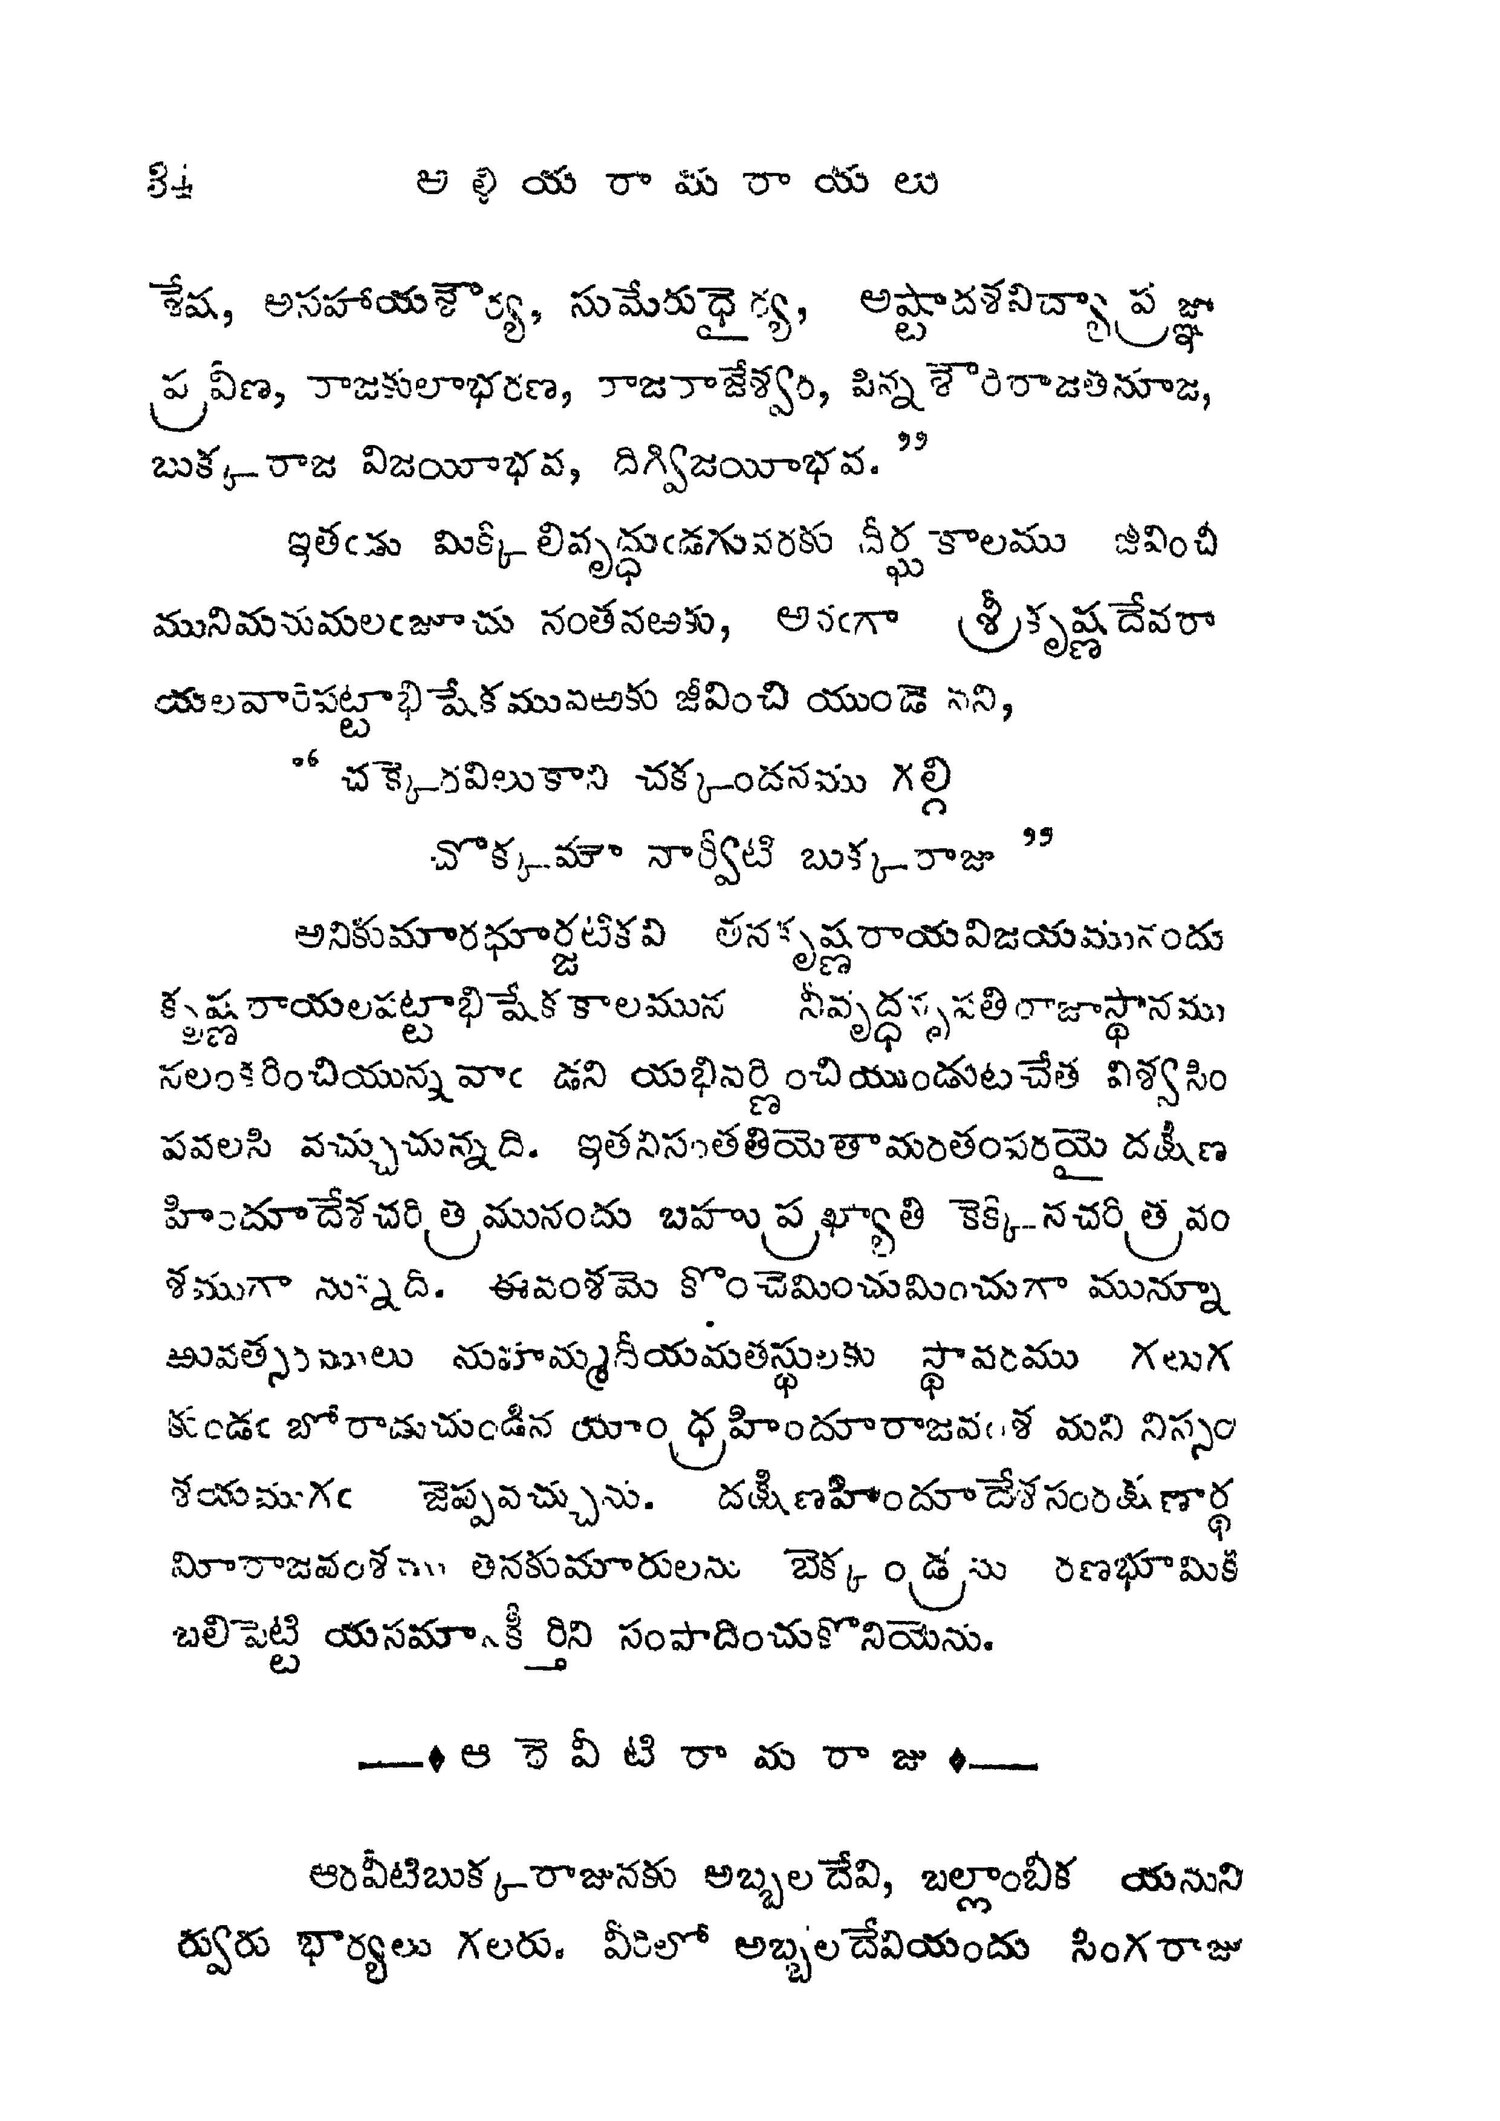శేష, అసహాయశౌర్య, సుమేరుధైర్య, అష్టాదశవిద్యాప్రజ్ఞాప్రవీణ, రాజకులాభరణ, రాజరాజేశ్వర, పిన్నశౌరిరాజతనూజ, బుక్కరాజ విజయీభవ, దిగ్విజయీభవ."

ఇతడు మిక్కిలివృద్ధుడగువరకు దీర్ఘకాలము జీవించి మునిమనుమలజూచు నంతవఱకు, అనగా శ్రీకృష్ణదేవరాయలవారిపట్టాభిషేకమువఱకు జీవించి యుండె నని,

 "చక్కెరవిలుకాని చక్కందనము గల్గి
 చొక్కమౌ నార్వీటి బుక్కరాజు"

అనికుమారధూర్జటికవి తనకృష్ణరాయవిజయమునందు కృష్ణరాయలపట్టాభిషేకకాలమున నీవృద్ధనృపతి రాజాస్థానము నలంకరించియున్నవా డని యభివర్ణించియుండుటచేత విశ్వసింపవలసి వచ్చుచున్నది. ఇతనిసంతతియెతామంతంపరయై దక్షిణహిందూదేశచరిత్రమునందు బహుప్రఖ్యాతి కెక్కినచరిత్రవంశముగా నున్నది. ఈవంశమె కొంచెమించుమించుగా మున్నూఱువత్సరములు మహమ్మదీయమతస్థులకు స్థావరము గలుగకుండ బోరాడుచుండిన యాంధ్రహిందూరాజవంశమని నిస్సంశయముగ జెప్పవచ్చును. దక్షిణహిందూదేశసంరక్షణార్థ మీరాజవంశము తనకుమారులను బెక్కండ్రను రణభూమికి బలిపెట్టి యసమానకీర్తిని సంపాదించుకొనియెను.

ఆరవీటిబుక్కరాజునకు అబ్బలదేవి, బల్లాంబిక యనునిర్వురు భార్యలు గలరు. వీరిలో అబ్బలదేవియందు సింగరాజు